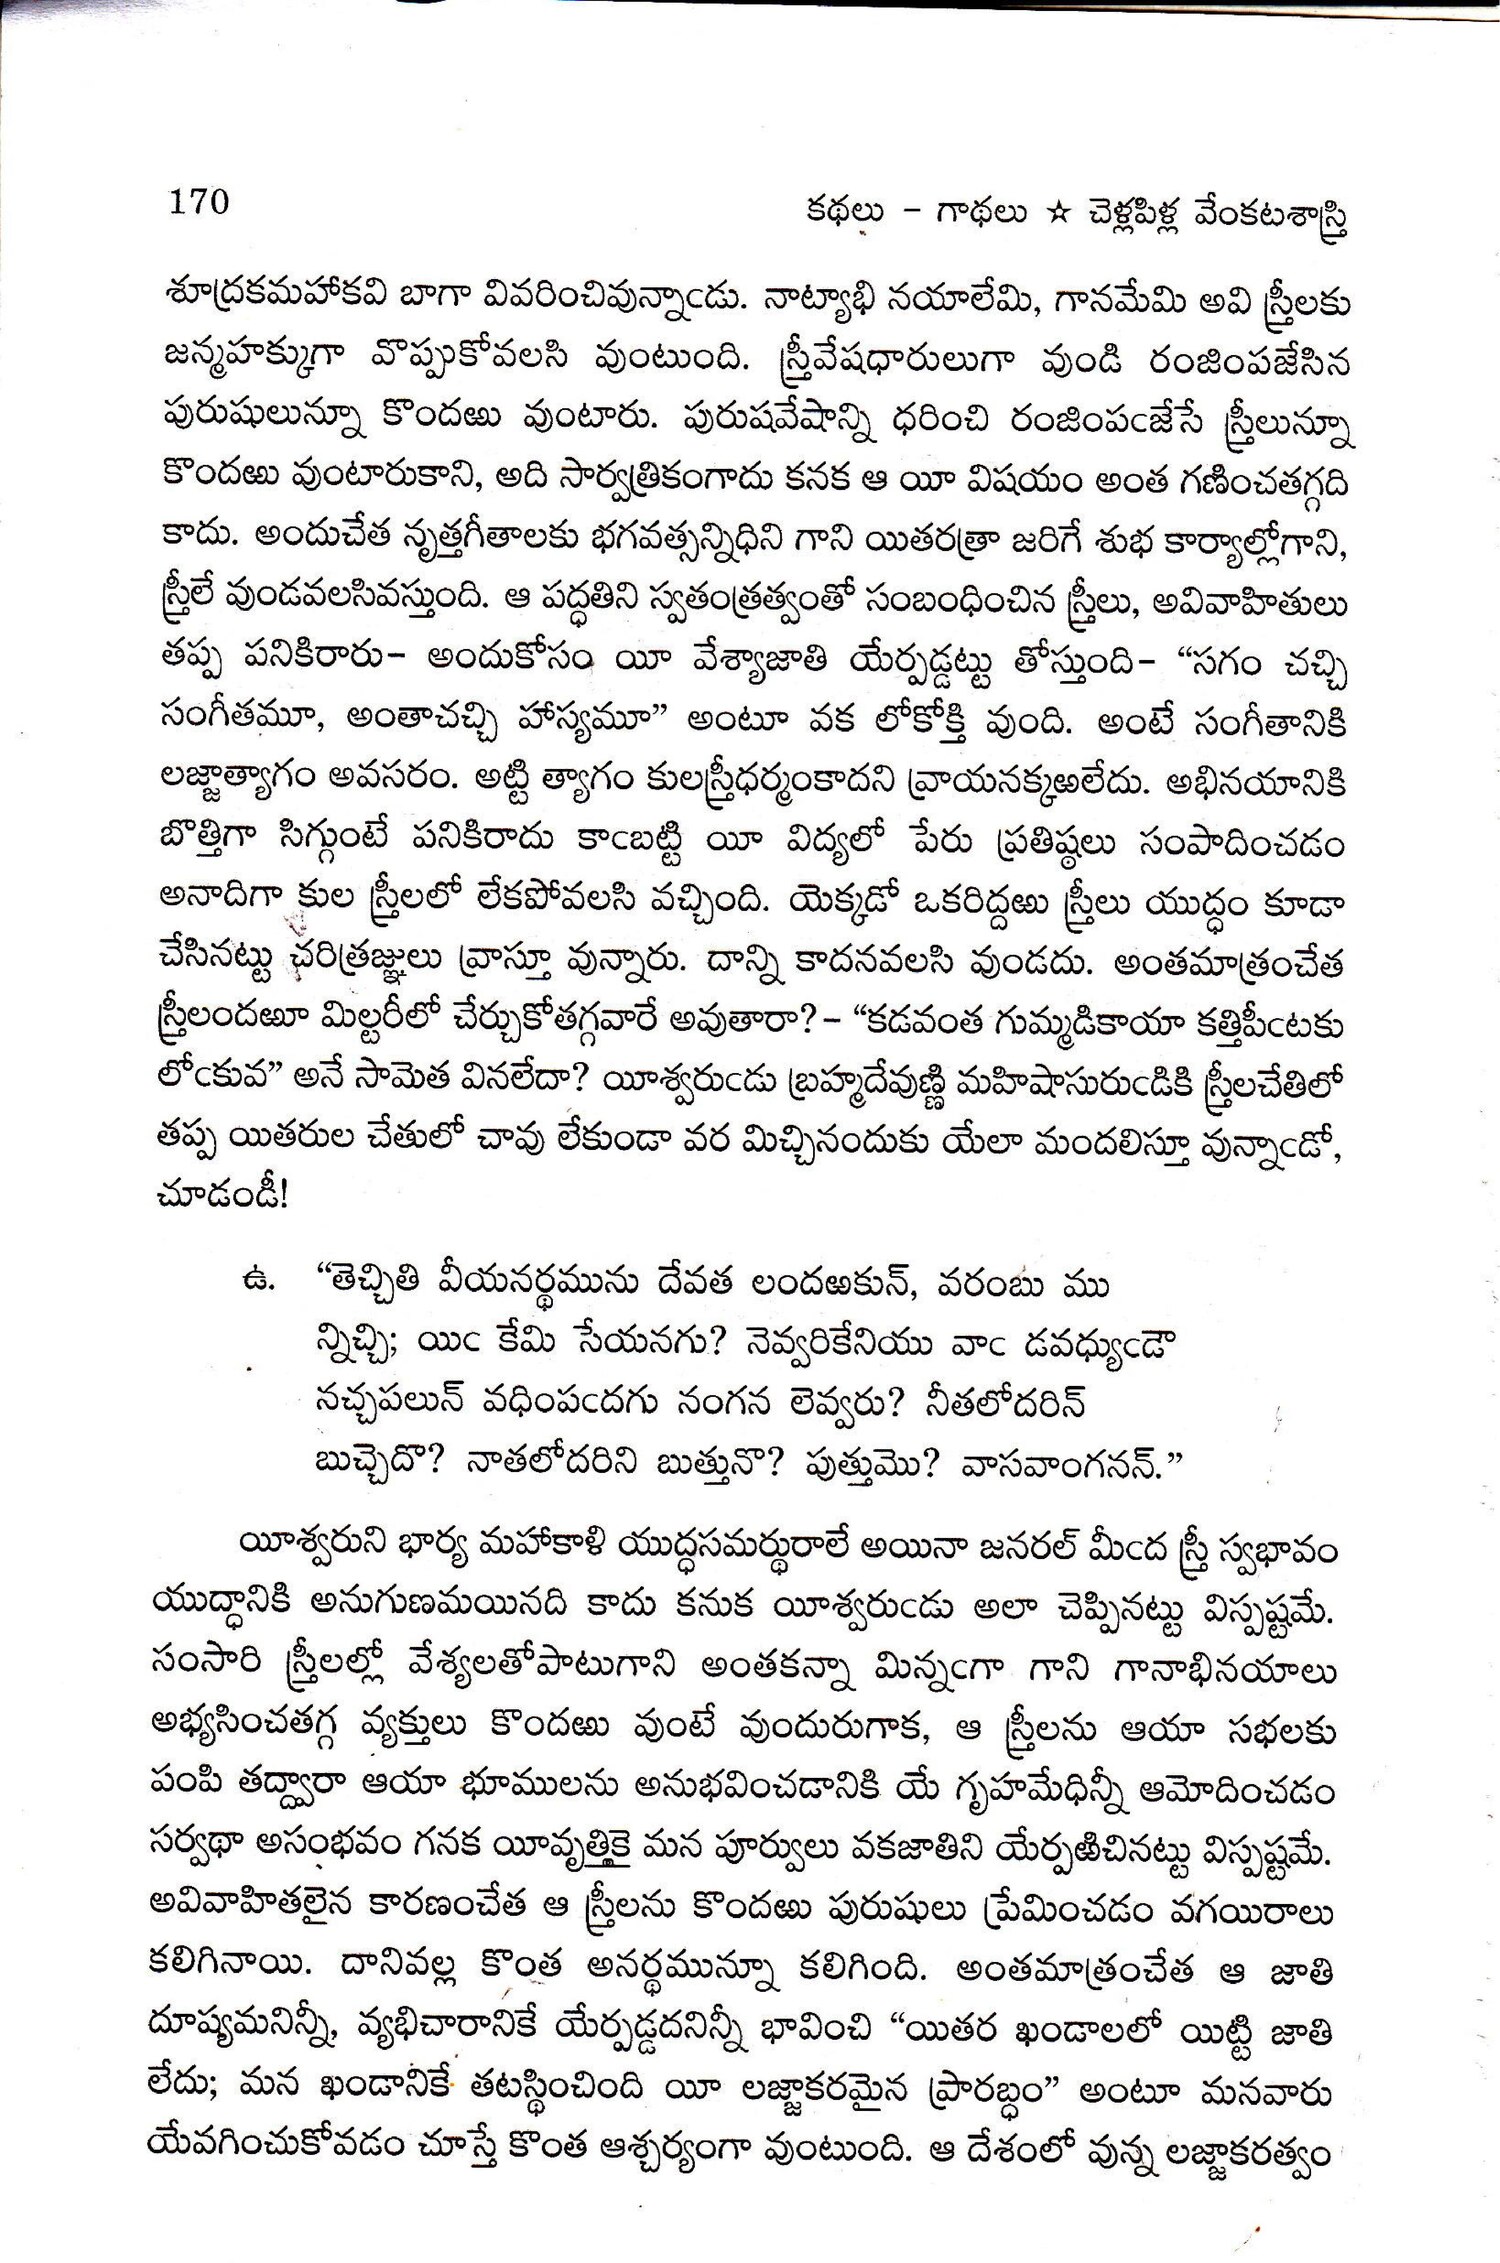శూద్రకమహాకవి బాగా వివరించివున్నాఁడు. నాట్యాభి నయాలేమి, గానమేమి అవి స్త్రీలకు జన్మహక్కుగా వొప్పుకోవలసి వుంటుంది. స్త్రీవేషధారులుగా వుండి రంజింపజేసిన పురుషులున్నూ కొందఱు వుంటారు. పురుషవేషాన్ని ధరించి రంజింపఁజేసే స్త్రీలున్నూ కొందఱు వుంటారుకాని, అది సార్వత్రికంగాదు కనక ఆ యీ విషయం అంత గణించతగ్గది కాదు. అందుచేత నృత్తగీతాలకు భగవత్సన్నిధిని గాని యితరత్రా జరిగే శుభ కార్యాల్లోగాని, స్త్రీలే వుండవలసివస్తుంది. ఆ పద్ధతిని స్వతంత్రత్వంతో సంబంధించిన స్త్రీలు, అవివాహితులు తప్ప పనికిరారు- అందుకోసం యీ వేశ్యాజాతి యేర్పడ్డట్టు తోస్తుంది– “సగం చచ్చి సంగీతమూ, అంతాచచ్చి హాస్యమూ" అంటూ వక లోకోక్తి వుంది. అంటే సంగీతానికి లజ్ఞాత్యాగం అవసరం. అట్టి త్యాగం కులస్త్రీధర్మంకాదని వ్రాయనక్కఱలేదు. అభినయానికి బొత్తిగా సిగ్గుంటే పనికిరాదు కాcబట్టి యీ విద్యలో పేరు ప్రతిష్ఠలు సంపాదించడం అనాదిగా కుల స్త్రీలలో లేకపోవలసి వచ్చింది. యెక్కడో ఒకరిద్దఱు స్త్రీలు యుద్ధం కూడా చేసినట్టు చరిత్రజ్ఞులు వ్రాస్తూ వున్నారు. దాన్ని కాదనవలసి వుండదు. అంతమాత్రంచేత స్త్రీలందఱూ మిల్టరీలో చేర్చుకోతగ్గవారే అవుతారా?- "కడవంత గుమ్మడికాయా కత్తిపీఁటకు లోఁకువ" అనే సామెత వినలేదా? యీశ్వరుఁడు బ్రహ్మదేవుణ్ణి మహిషాసురుఁడికి స్త్రీలచేతిలో తప్ప యితరుల చేతులో చావు లేకుండా వర మిచ్చినందుకు యేలా మందలిస్తూ వున్నాఁడో, చూడండీ!

ఉ. "తెచ్చితి వీయనర్ధమును దేవత లందఱకున్, వరంబు ము
 న్నిచ్చి; యిఁ కేమి సేయనగు? నెవ్వరికేనియు వాఁ డవధ్యుఁడౌ 
 నచ్చపలున్ వధింపందగు నంగన లెవ్వరు? నీతలోదరిన్ 
 బుచ్చెదొ? నాతలోదరిని బుత్తునొ? పుత్తుమొ? వాసవాంగనన్."
యీశ్వరుని భార్య మహాకాళి యుద్ధసమర్థురాలే అయినా జనరల్ మీఁద స్త్రీ స్వభావం యుద్ధానికి అనుగుణమయినది కాదు కనుక యీశ్వరుఁడు అలా చెప్పినట్టు విస్పష్టమే. సంసారి స్త్రీలల్లో వేశ్యలతోపాటుగాని అంతకన్నా మిన్నఁగా గాని గానాభినయాలు అభ్యసించతగ్గ వ్యక్తులు కొందఱు వుంటే వుందురుగాక, ఆ స్త్రీలను ఆయా సభలకు పంపి తద్ద్వారా ఆయా భూములను అనుభవించడానికి యే గృహమేధిన్నీ ఆమోదించడం సర్వథా అసంభవం గనక యీవృత్తికై మన పూర్వులు వకజాతిని యేర్పఱిచినట్టు విస్పష్టమే. అవివాహితలైన కారణంచేత ఆ స్త్రీలను కొందఱు పురుషులు ప్రేమించడం వగయిరాలు కలిగినాయి. దానివల్ల కొంత అనర్ధమున్నూ కలిగింది. అంతమాత్రంచేత ఆ జాతి దూష్యమనిన్నీ వ్యభిచారానికే యేర్పడ్డదనిన్నీ భావించి “యితర ఖండాలలో యిట్టి జాతి లేదు; మన ఖండానికే తటస్థించింది యీ లజ్ఞాకరమైన ప్రారబ్ధం" అంటూ మనవారు యేవగించుకోవడం చూస్తే కొంత ఆశ్చర్యంగా వుంటుంది. ఆ దేశంలో వున్న లజ్ఞాకరత్వం